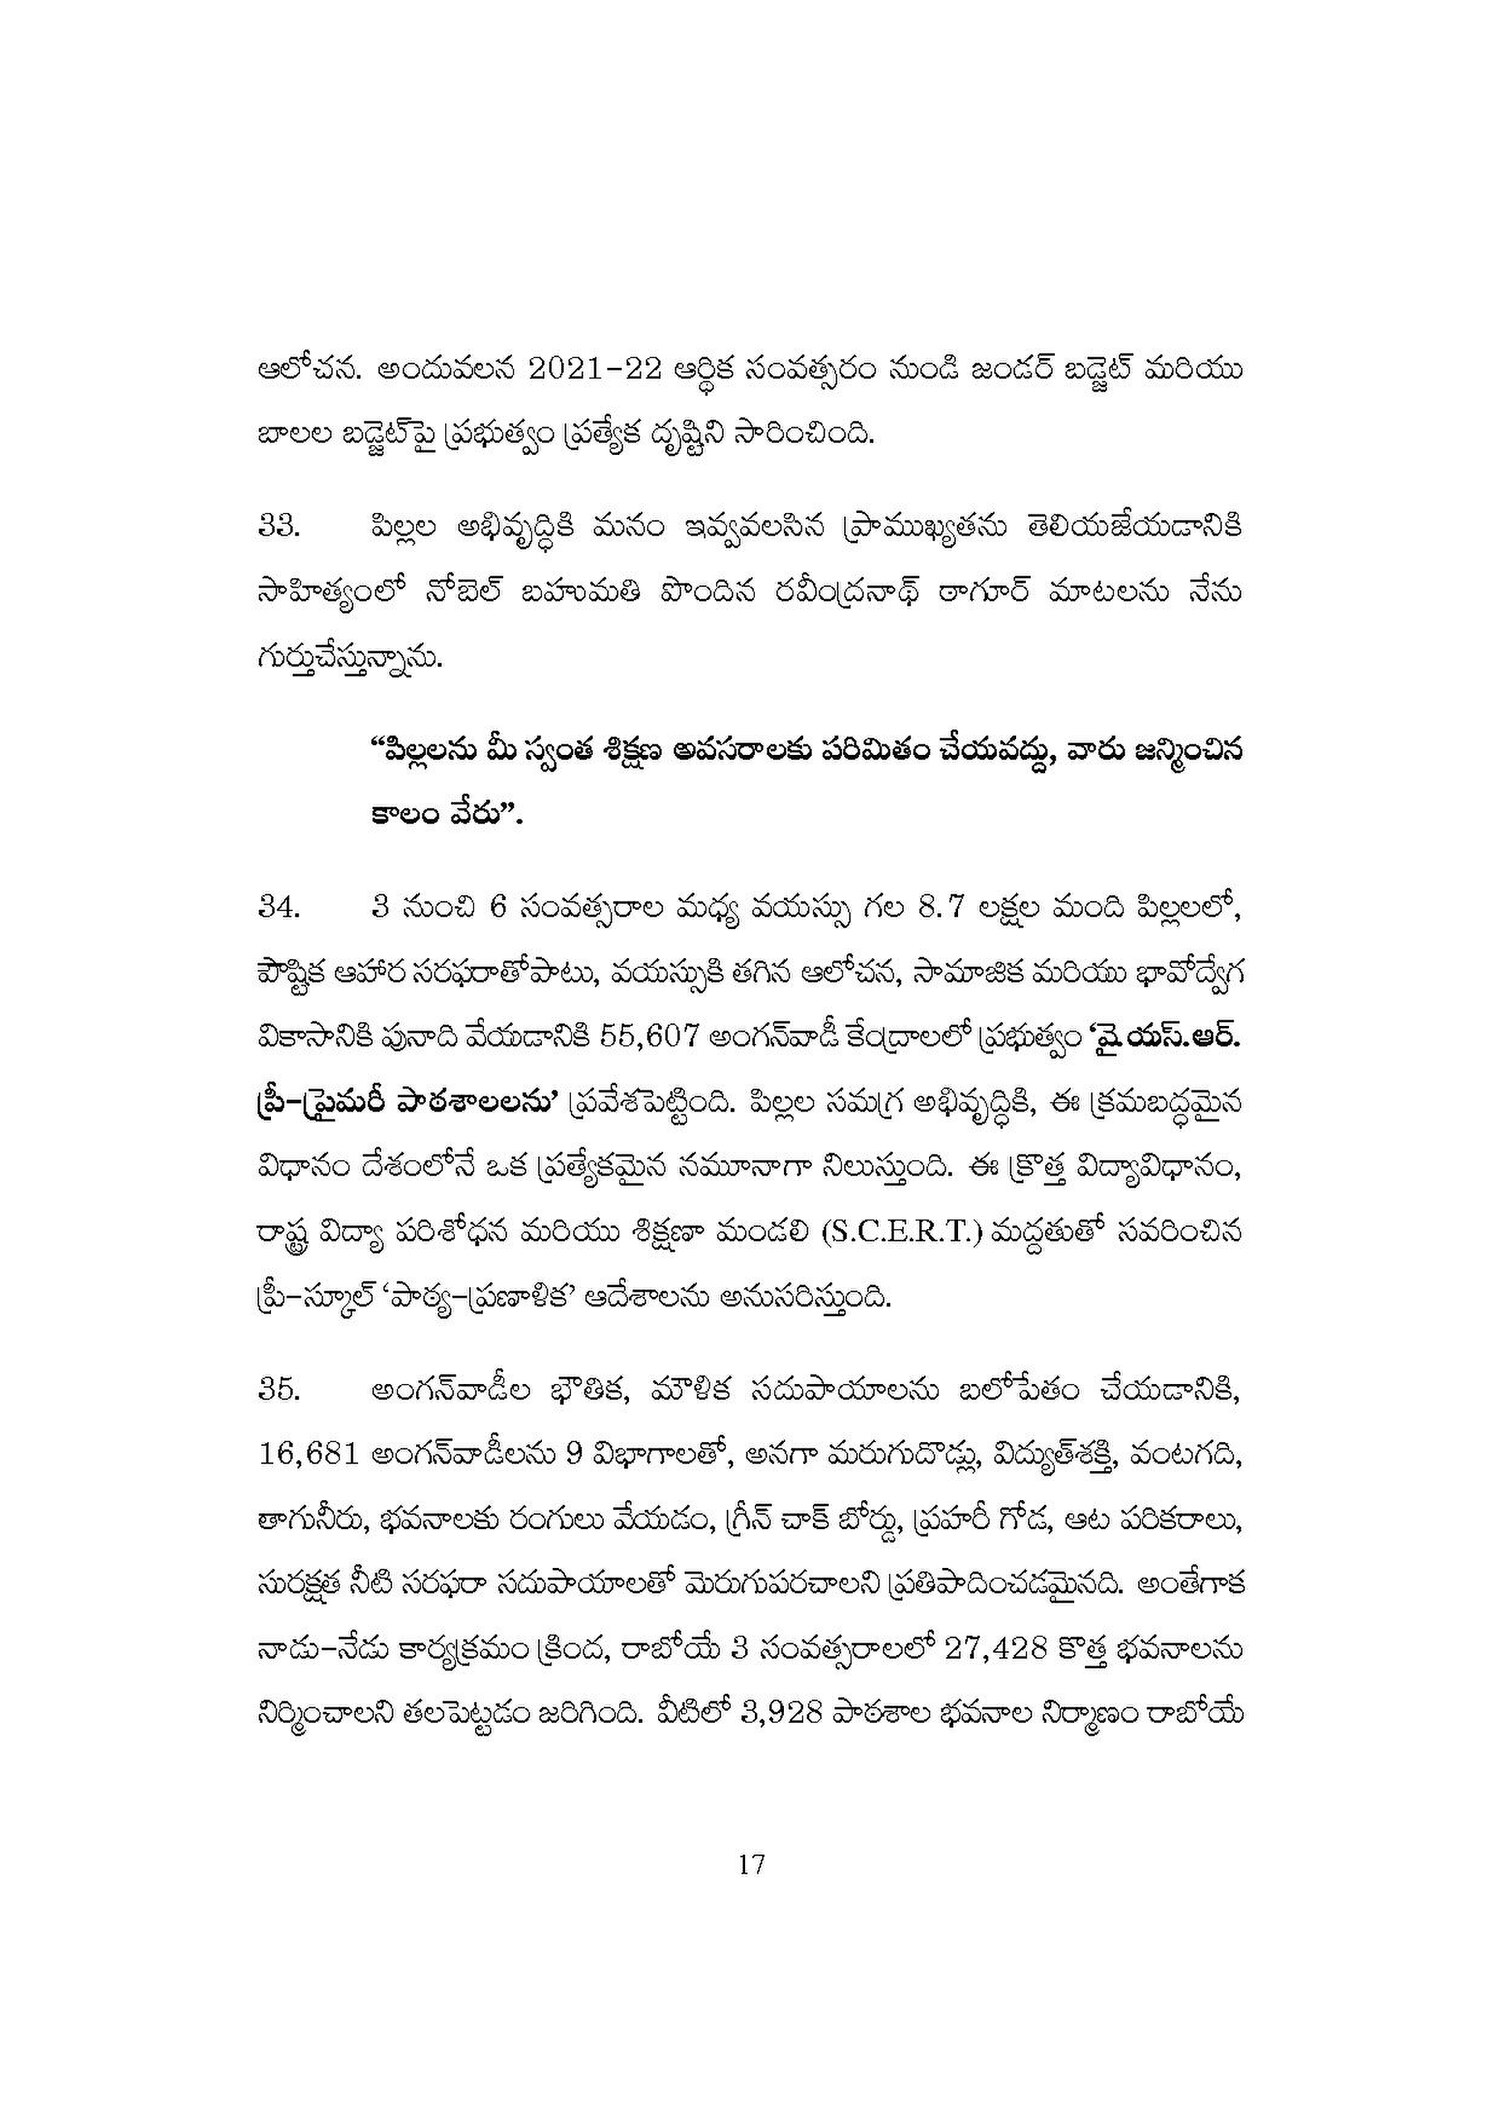ఆలోచన. అందువలన 2021-22 ఆర్థిక సంవత్సరం నుండి జండర్ బడ్జెట్ మరియు
బాలల బడ్జెట్ పై ప్రభుత్వం ప్రత్యేక దృష్టిని సారించింది.

33. పిల్లల అభివృద్ధికి మనం ఇవ్వవలసిన ప్రాముఖ్యతను తెలియజేయడానికి
సాహిత్యంలో నోబెల్ బహుమతి పొందిన రవీంద్రనాథ్ ఠాగూర్ మాటలను నేను
గుర్తుచేస్తున్నాను.
“పిల్లలను మీ స్వంత శిక్షణ అవసరాలకు పరిమితం చేయవద్దు, వారు జన్మించిన కాలం వేరు”. 

34. 3 నుంచి 6 సంవత్సరాల మధ్య వయస్సు గల 8.7 లక్షల మంది
పిల్లలలో, పౌష్టిక ఆహార సరఫరాతోపాటు, వయస్సుకి తగిన ఆలోచన, సామాజిక మరియు భావోద్వేగ
వికాసానికి పునాది వేయడానికి 55,607 అంగన్‌వాడీ కేంద్రాలలో ప్రభుత్వం 'వైయస్.ఆర్. ప్రీ-ప్రైమరీ పాఠశాలలను' ప్రవేశపెట్టింది.
పిల్లల సమగ్ర అభివృద్ధికి, ఈ క్రమబద్ధమైన
విధానం దేశంలోనే ఒక ప్రత్యేకమైన నమూనాగా నిలుస్తుంది. ఈ క్రొత్త విద్యావిధానం,
రాష్ట్ర విద్యా పరిశోధన మరియు శిక్షణా మండలి (S.C.E.R.T.) మద్దతుతో సవరించిన
ప్రీ-స్కూల్ 'పాఠ్య ప్రణాళిక' ఆదేశాలను అనుసరిస్తుంది.

35. అంగన్‌వాడీల భౌతిక, మౌళిక సదుపాయాలను బలోపేతం చేయడానికి,
16,681 అంగన్ వాడీలను 9 విభాగాలతో, అనగా మరుగుదొడ్లు, విద్యుత్ శక్తి, వంటగది,
తాగునీరు, భవనాలకు రంగులు వేయడం, గ్రీన్ చాక్ బోర్డు, ప్రహరీ గోడ, ఆట పరికరాలు,
సురక్షత నీటి సరఫరా సదుపాయాలతో మెరుగుపరచాలని ప్రతిపాదించడమైనది. అంతేగాక
నాడు-నేడు కార్యక్రమం క్రింద, రాబోయే 3 సంవత్సరాలలో 27,428 కొత్త భవనాలను
నిర్మించాలని తలపెట్టడం జరిగింది. వీటిలో 3,928 పాఠశాల భవనాల నిర్మాణం రాబోయే